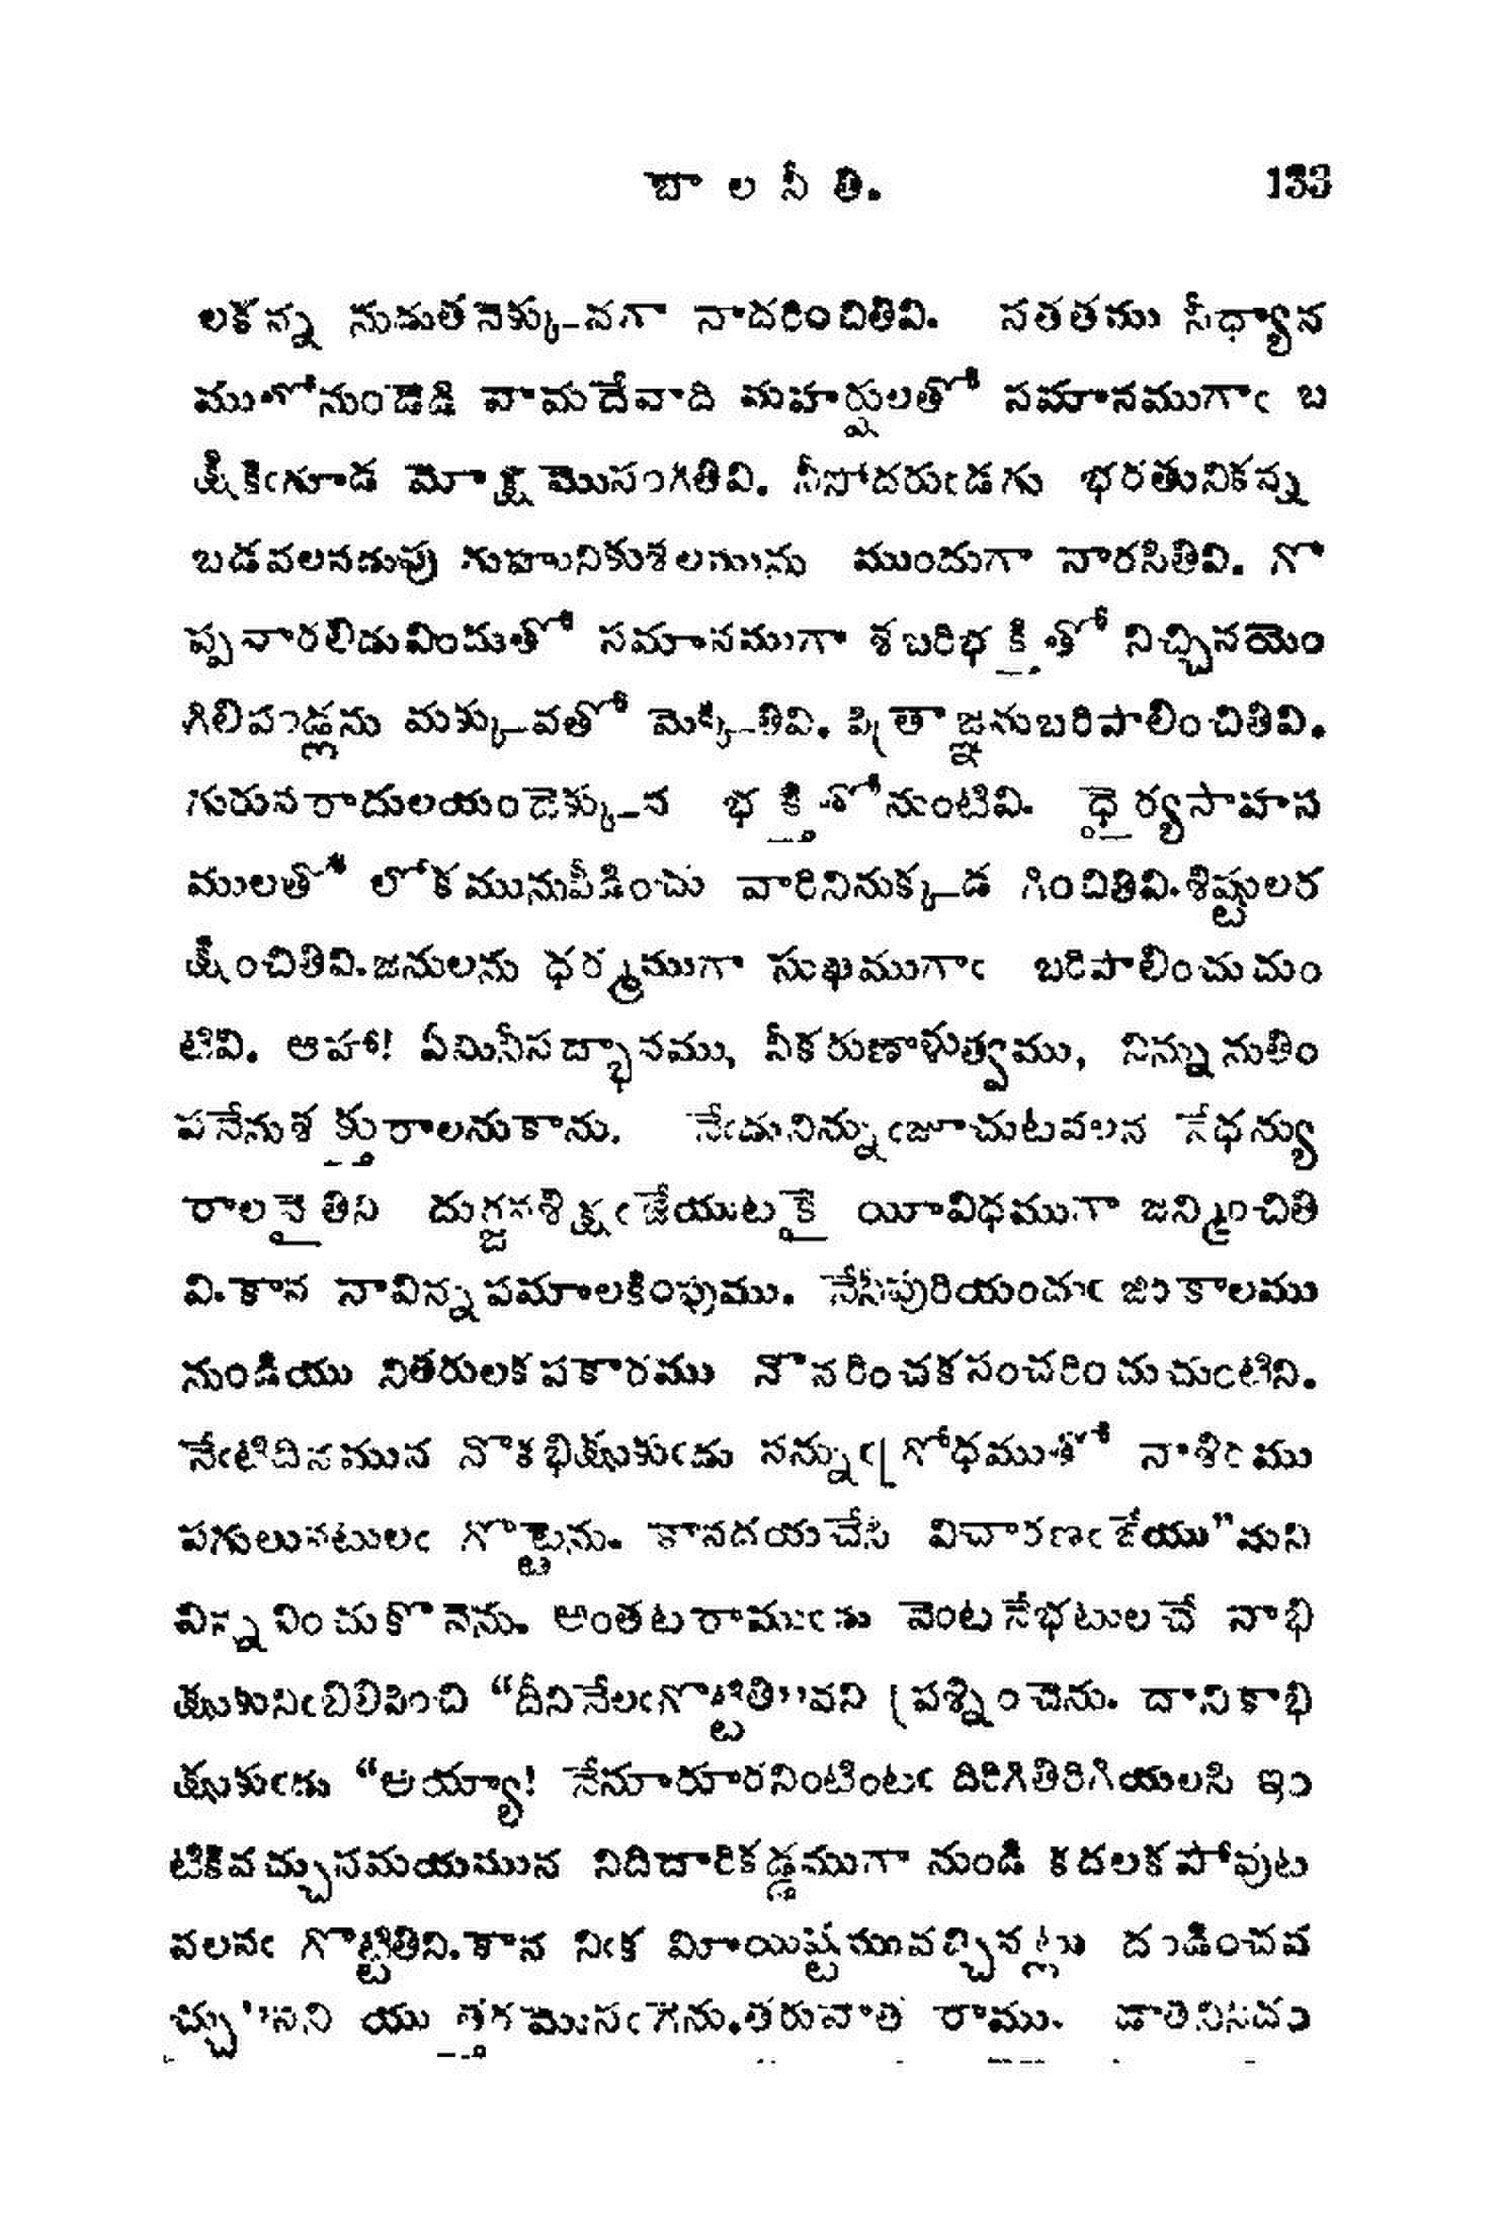లకన్న నుడుతనెక్కువగా నాదరించితివి. సతతము నీధ్యాన
ములోనుండెడి వామదేవాది మహర్షులతో సమానముగాఁ బ
క్షికిఁగూడ మోక్షమొసంగితివి. నీసోదరుఁడగు భరతునికన్న 
బడవలనడుపు గుహునికుశలమును ముందుగా నారసితివి. గొ
ప్పవారలిడువిందుతో సమానముగా శబరిభక్తితో నిచ్చినయెం
గిలిపండ్లను మక్కువతో మెక్కితివి. పిత్రాజ్ఞనుబరిపాలించితివి. 
గురువరాదులయందెక్కువ భక్తితోనుంటివి. ధైర్యసాహస
ములతో లోకమునుపీడించు వారినుక్కడ గించితివి. శిష్టులర
క్షించితివి. జనులను ధర్మముగా సుఖముగాఁ బరిపాలించుచుం
టివి. ఆహా! ఏమినీసద్భావము, నీకరుణాళుత్వము, నిన్నునుతిం
పనేనుశక్తురాలనుకాను. నేఁడునిన్నుఁజూచుటవలన నేధన్యు 
రాలనైతిని దుర్జనశిక్షఁజేయుటకై యీవిధముగా జన్మించితి
వి. కాన నావిన్నపమాలకింపుము. నేనీపురియందుఁ జిరకాలము
నుండియు నితరులకపకారము నొనరించకసంచరించుచుంటిని. 
నేఁటిదినమున నొకభిక్షకుఁడు నన్నుఁగ్రోధముతో నాశిరము 
పగులునటులఁ గొట్టెను. కానదయచేసి విచారణఁజేయు"మని 
విన్నవించుకొనెను. అంతటరాముఁడు వెంటనేభటులచే నాభి
క్షుకునిఁబిలిపించి "దీనినేలఁగొట్టితి"వని ప్రశ్నించెను. దానికాభి
క్షుకుఁడు "అయ్యా! నేనూరూరనింటింటఁ దిరిగితిరిగియలసి ఇం
టికివచ్చుసమయమున నిదిదారికడ్డముగా నుండి కదలకపొవుట
వలనఁ గొట్టితిని. కాన నిఁక మీయిష్టమువచ్చినట్లు దండించవ
చ్చు"నని యుత్తరమొసఁగెను. తరువాత రాముఁ డాతనినిదం